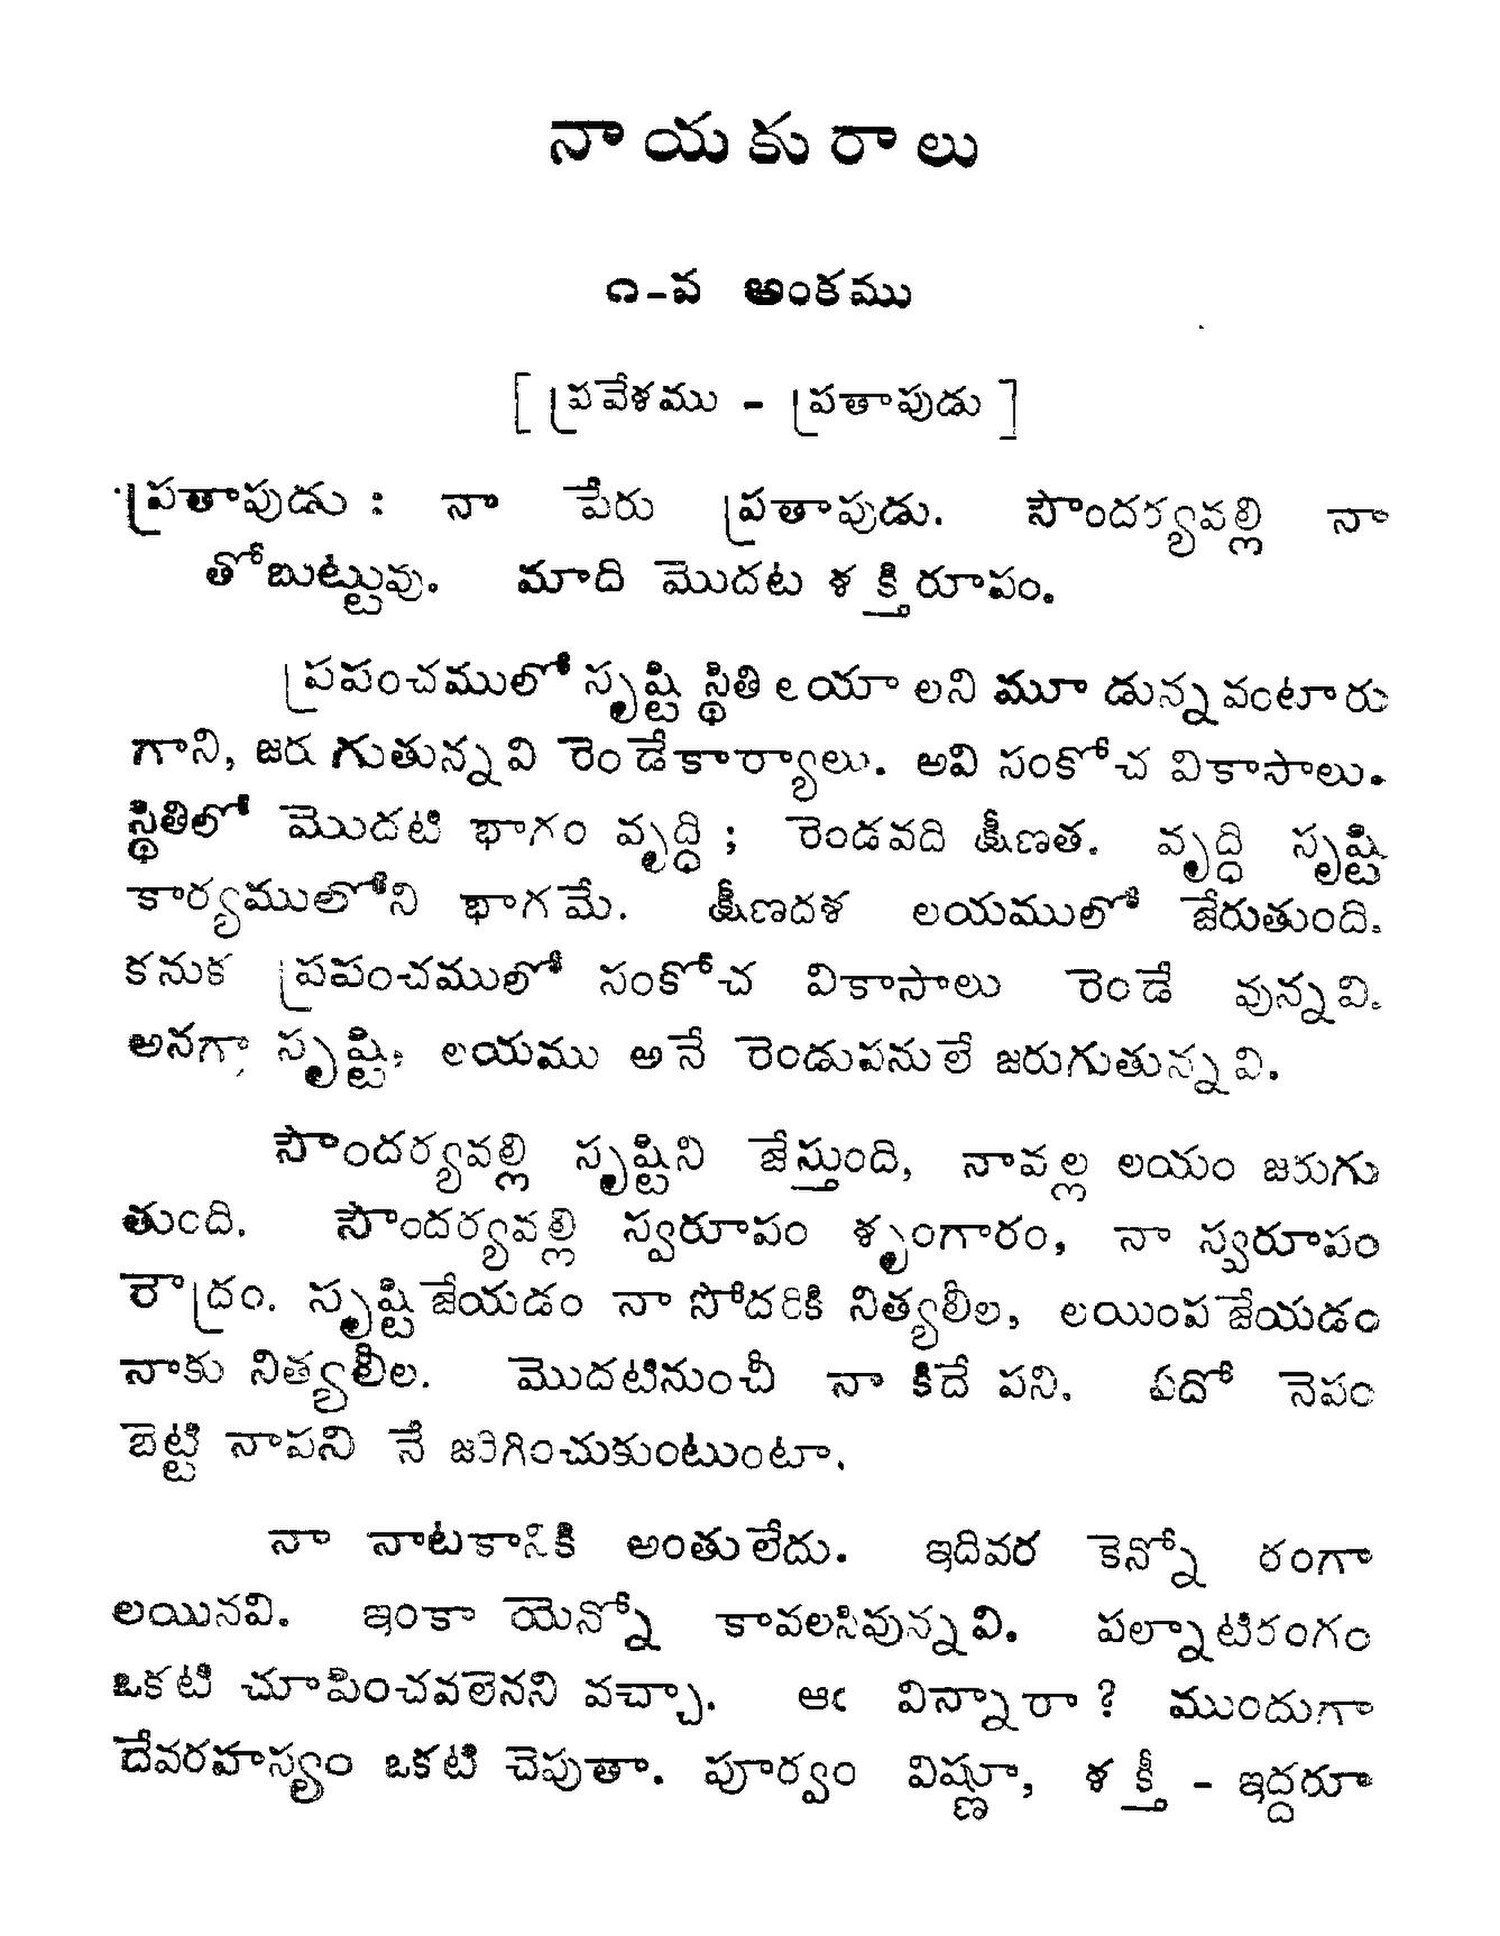నాయకురాలు

1-వ అంకము

ప్రతాపుడు : నా పేరు ప్రతాపుడు. సౌందర్యవల్లి నా తోబుట్టువు. మాది మొదట శక్తి రూపం.

ప్రపంచములో సృష్టి స్థితి లయాలని మూడున్న వంటారు గాని, జరుగుతున్నవి రెండే కార్యాలు. అవి సంకోచ వికాసాలు. స్థితిలో మొదటి భాగం వృద్ధి ; రెండవది క్షీణత. వృద్ధి సృష్టి కార్యములోని భాగమే. క్షీణదశ లయములో జేరుతుంది. కనుక ప్రపంచములో సంకోచ వికాసాలు రెండే వున్నవి. అనగా సృష్టి, లయము అనే రెండుపనులే జరుగుతున్నవి.

సౌందర్యవల్లి సృష్టిని జేస్తుంది, నావల్ల లయం జరుగుతుంది. సౌందర్యవల్లి స్వరూపం శృంగారం, నా స్వరూపం రౌద్రం. సృష్టి జేయడం నా సోదరికి నిత్యలీల, లయింప జేయడం నాకు నిత్యలీల. మొదటినుంచీ నా కిదే పని. ఏదో నెపం బెట్టి నాపని నే జరిగించుకుంటుంటా.

నా నాటకానికి అంతులేదు. ఇదివర కెన్నో రంగాలయినవి. ఇంకా యెన్నో కావలసివున్నవి. పల్నాటిరంగం ఒకటి చూపించవలెనని వచ్చా. ఆఁ విన్నారా? ముందుగా దేవరహస్యం ఒకటి చెపుతా. పూర్వం విష్ణూ, శక్తీ - ఇద్దరూ